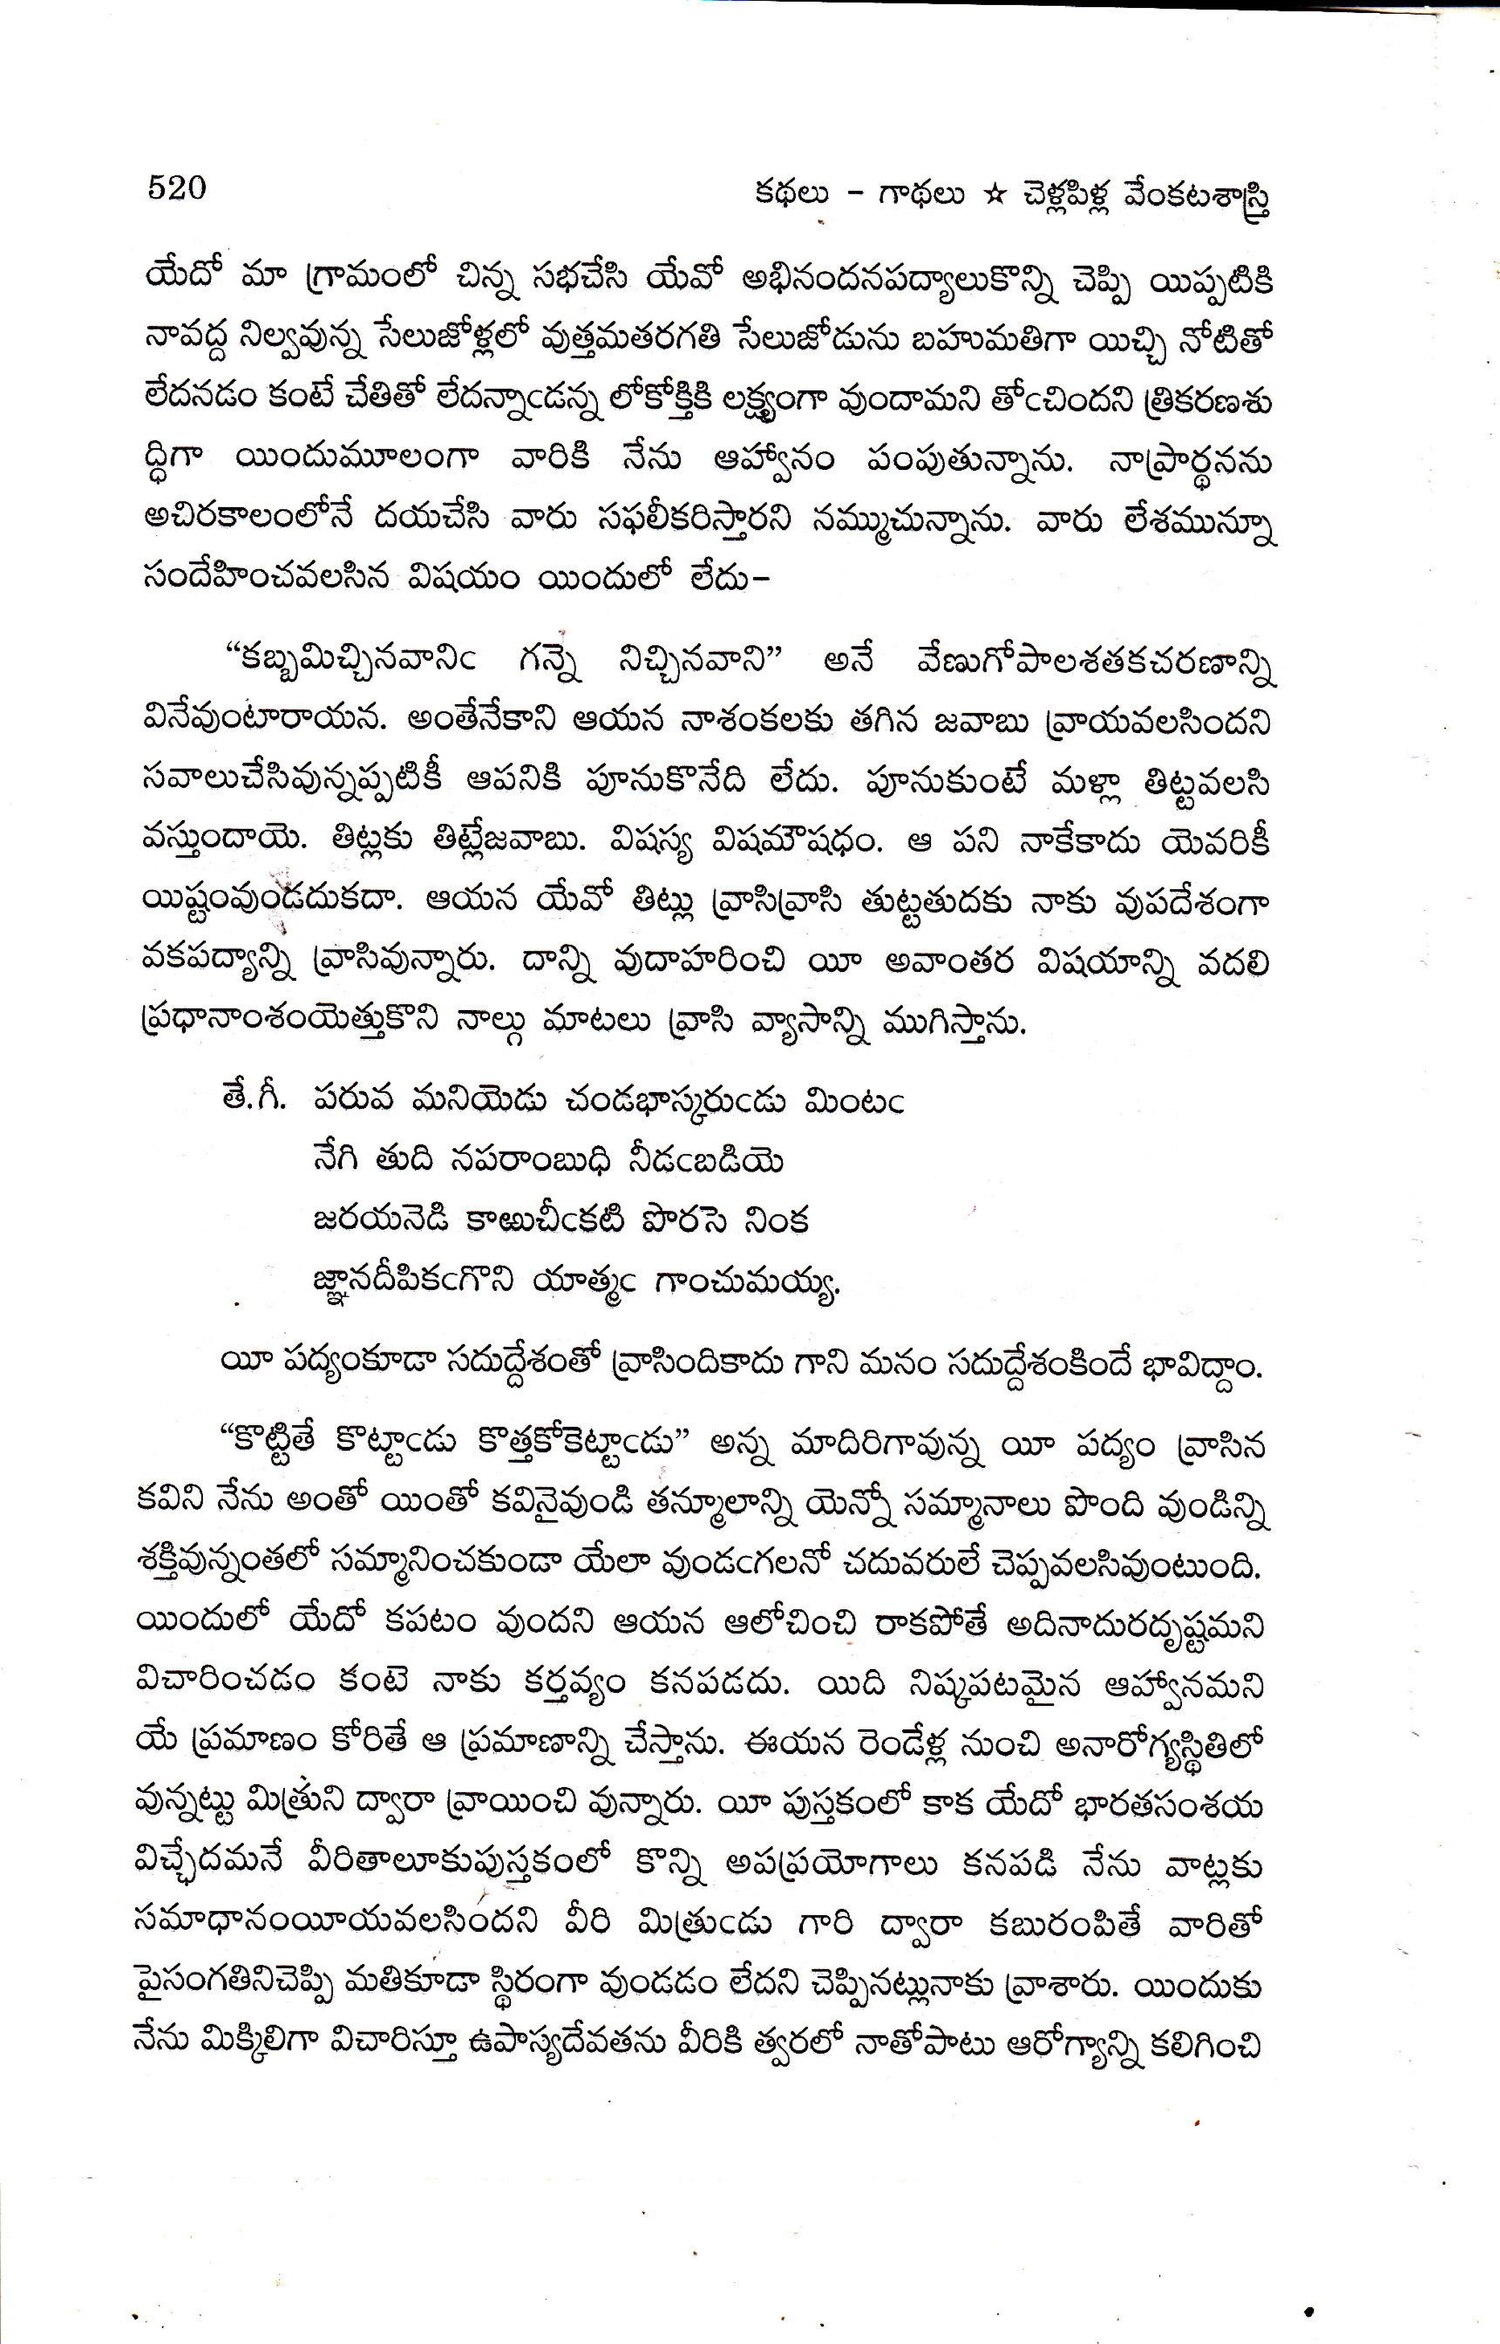యేదో మా గ్రామంలో చిన్న సభచేసి యేవో అభినందనపద్యాలుకొన్ని చెప్పి యిప్పటికి నావద్ద నిల్వవున్న సేలుజోళ్లలో వత్తమతరగతి సేలుజోడును బహుమతిగా యిచ్చి నోటితో లేదనడం కంటే చేతితో లేదన్నాఁడన్న లోకోక్తికి లక్ష్యంగా వుందామని తోఁచిందని త్రికరణశుద్ధిగా యిందుమూలంగా వారికి నేను ఆహ్వానం పంపుతున్నాను. నాప్రార్థనను అచిరకాలంలోనే దయచేసి వారు సఫలీకరిస్తారని నమ్ముచున్నాను. వారు లేశమున్నూ సందేహించవలసిన విషయం యిందులో లేదు-

"కబ్బమిచ్చినవానిఁ గన్నె నిచ్చినవాని" అనే వేణుగోపాలశతకచరణాన్ని వినేవుంటారాయన. అంతేనేకాని ఆయన నాశంకలకు తగిన జవాబు వ్రాయవలసిందని సవాలుచేసివున్నప్పటికీ ఆపనికి పూనుకొనేది లేదు. పూనుకుంటే మళ్లా తిట్టవలసి వస్తుందాయె. తిట్లకు తిట్లేజవాబు. విషస్య విషమౌషధం. ఆ పని నాకేకాదు యెవరికీ యిష్టంవుండదుకదా. ఆయన యేవో తిట్లు వ్రాసివ్రాసి తుట్టతుదకు నాకు వుపదేశంగా వకపద్యాన్ని వ్రాసివున్నారు. దాన్ని వుదాహరించి యీ అవాంతర విషయాన్ని వదలి ప్రధానాంశంయెత్తుకొని నాల్గు మాటలు వ్రాసి వ్యాసాన్ని ముగిస్తాను.

తే.గీ. పరువ మనియెడు చండభాస్కరుఁడు మింటఁ
 నేగి తుది నపరాంబుధి నీడఁబడియె 
 జరయనెడి కాఱుచీఁకటి పొరసె నింక 
 జ్ఞానదీపికఁగొని యాత్మఁ గాంచుమయ్య
యీ పద్యంకూడా సదుద్దేశంతో వ్రాసిందికాదు గాని మనం సదుద్దేశంకిందే భావిధ్ధాం.

"కొట్టితే కొట్టాఁడు కొత్తకోకెట్టాఁడు” అన్న మాదిరిగావున్న యీ పద్యం వ్రాసిన కవిని నేను అంతో యింతో కవినైవుండి తన్మూలాన్ని యెన్నో సమ్మానాలు పొంది వుండిన్ని శక్తివున్నంతలో సమ్మానించకుండా యేలా వుండఁగలనో చదువరులే చెప్పవలసివుంటుంది. యిందులో యేదో కపటం వుందని ఆయన ఆలోచించి రాకపోతే అదినాదురదృష్టమని విచారించడం కంటె నాకు కర్తవ్యం కనపడదు. యిది నిష్కపటమైన ఆహ్వానమని యే ప్రమాణం కోరితే ఆ ప్రమాణాన్ని చేస్తాను. ఈయన రెండేళ్ల నుంచి అనారోగ్యస్థితిలో వున్నట్టు మిత్రుని ద్వారా వ్రాయించి వున్నారు. యీ పుస్తకంలో కాక యేదో భారతసంశయ విచ్ఛేదమనే వీరితాలూకుపుస్తకంలో కొన్ని అపప్రయోగాలు కనపడి నేను వాట్లకు సమాధానంయీయవలసిందని వీరి మిత్రుఁడు గారి ద్వారా కబురంపితే వారితో పైసంగతినిచెప్పి మతికూడా స్థిరంగా వుండడం లేదని చెప్పినట్లునాకు వ్రాశారు. యిందుకు నేను మిక్కిలిగా విచారిస్తూ ఉపాస్యదేవతను వీరికి త్వరలో నాతోపాటు ఆరోగ్యాన్ని కలిగించి